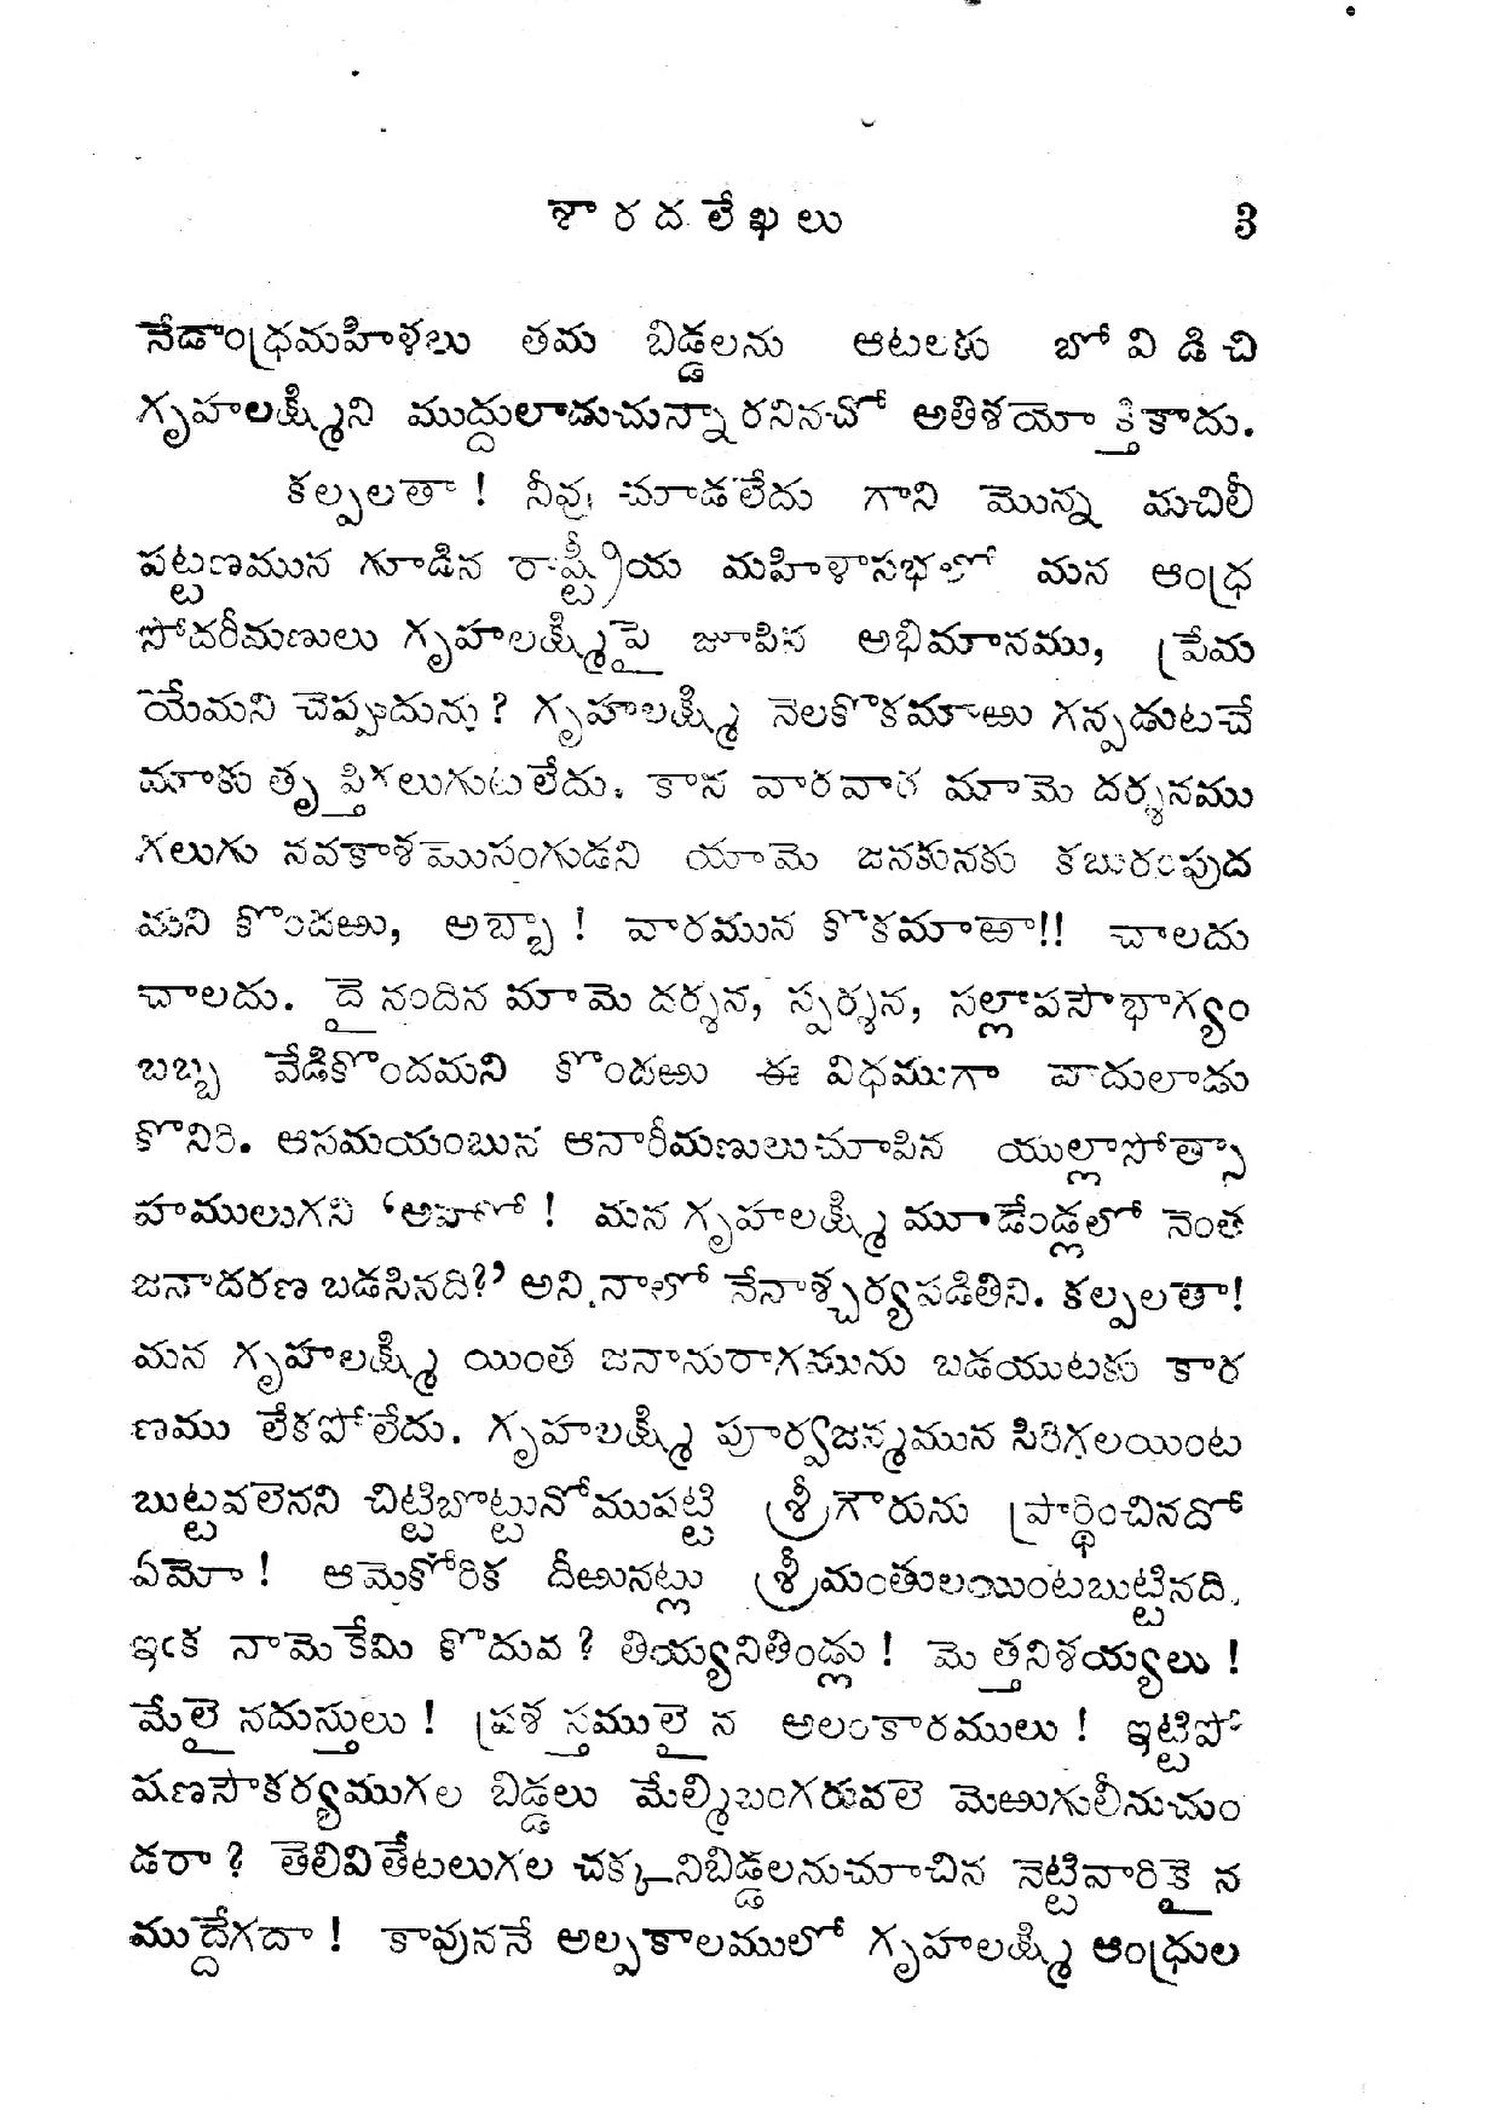నేడాంధ్రమహిళలు తమ బిడ్డలను ఆటలకు బోవిడిచి గృహలక్ష్మీని ముద్దులాడుచున్నారనినచో అతిశయోక్తికాదు.

కల్పలతా! నీవు చూడలేదు గాని మొన్న మచిలీపట్టణమున గూడిన రాష్ట్రీయ మహిళాసభలో మన ఆంధ్ర సోదరీమణులు గృహలక్ష్మీపై జూపిన అభిమానము, ప్రేమ యేమని చెప్పుదును? గృహలక్ష్మి నెలకొకమాఱు గన్పడుటచే మాకు తృప్తిగలుగుటలేదు. కాన వారవార మామె దర్శనము గలుగు నవకాశమొసంగుడని యామె జనకునకు కబురంపుద మని కొందఱు, అబ్బా! వారమున కొకమాతా!! చాలదు చాలదు. దైనందినమామె దర్శన, స్పర్శన, సల్లాపసౌభాగ్యం బబ్బ వేడికొందమని కొండఱు ఈ విధముగా వాదులాడుకొనిరి. ఆ సమయంబున ఆనారీమణులు చూపిన యుల్లాసోత్సాహములుగని 'అహో! మన గృహలక్ష్మి మూడేండ్లలో నెంత జనాదరణ బడసినది?' అని నాలో నేనాశ్చర్యపడితిని. కల్పలతా! మన గృహలక్ష్మి యింత జనానురాగమును బడయుటకు కారణము లేకపోలేదు. గృహలక్ష్మీ పూర్వజన్మమున సిరిగలయింట బుట్టవలెనని చిట్టిబొట్టునోముపట్టి శ్రీగారును ప్రార్థించినదో
ఏమో! ఆమెకోరిక దీఱునట్లు శ్రీమంతులయింటబుట్టినది, ఇఁక నామెకేమి కొదువ? తియ్యనితిండ్లు! మెత్తనిశయ్యలు! మేలై నదుస్తులు! ప్రశస్తములైన అలంకారములు! ఇట్టిపోషణ సౌకర్యముగల బిడ్డలు మేల్మిబంగరువలె మెరుగులీనుచుండరా? తెలివి తేటలుగల చక్కనిబిడ్డలను చూచిన నెట్టివారికైన
ముద్దేగదా! కావుననే అల్పకాలములో గృహలక్ష్మి ఆంధ్రుల